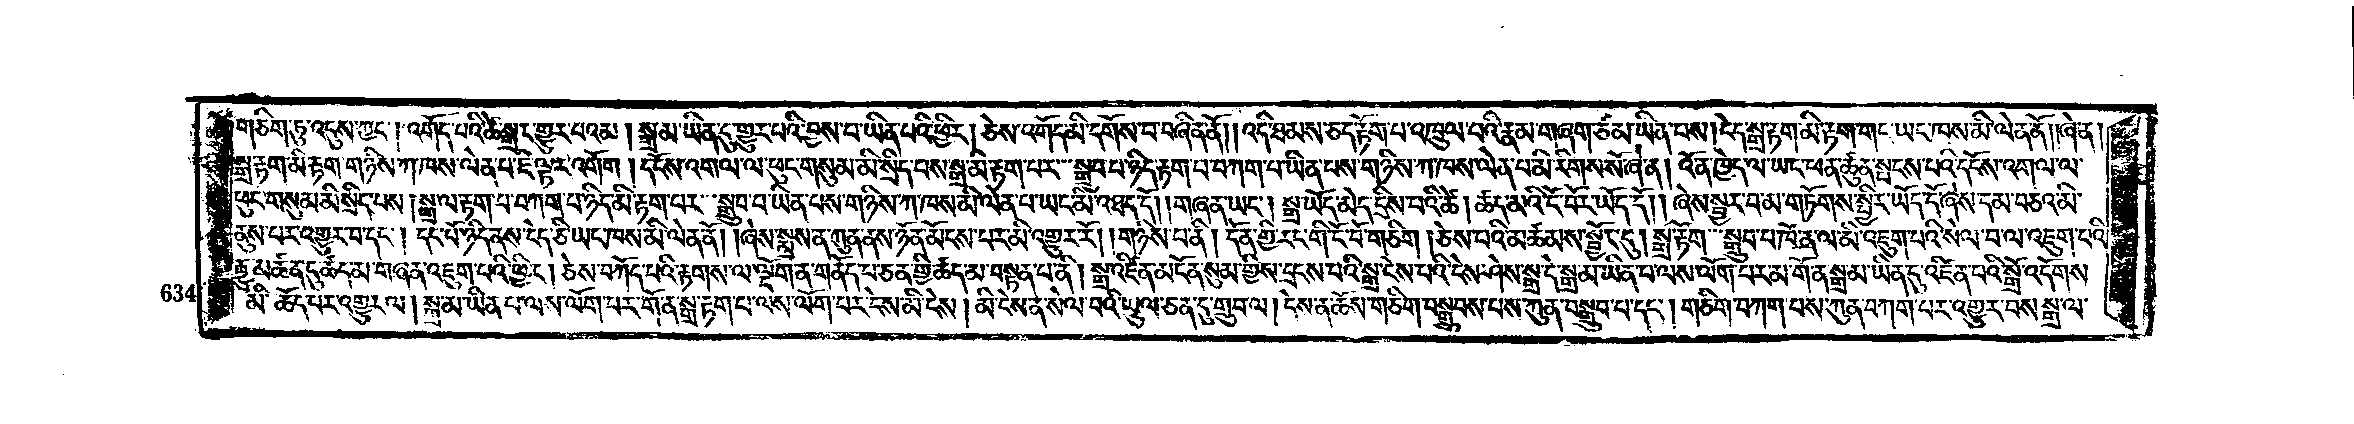གཅིག་ཏུ་འདུས་ཀྱང་། འགོད་པའི་ཚེ་སྒྲར་གྱུར་པའམ། སྒྲ་མི་ཡིན་དུ་གྱུར་པའི་བྱས་པ་ཡིན་པའི་ཕྱིར། ཅེས་འགོད་མི་དགོས་པ་བཞིན་ནོ། །འདི་ཐམས་ཅད་རྟོག་པ་འཁྲུལ་པའི་རྣམ་གཞག་ཙམ་ཡིན་པས། ངེད་སྒྲ་རྟག་མི་རྟག་གང་ཡང་ཁས་མི་ལེན་ནོ། །ཞེ་ན་
སྒྲ་རྟག་མི་རྟག་གཉིས་ཀ་ཁས་ལེན་པ་ཇི་ལྟར་འགོག །དངོས་འགལ་ལ་ཕུང་གསུམ་མི་སྲིད་པས་སྒྲ་མི་རྟག་པར་སྒྲུབ་པ་ཉིད་རྟག་པ་བཀག་པ་ཡིན་པས་གཉིས་ཀ་ཁས་ལེན་པ་མི་རིགས་སོ་ཞེ་ན། འོ་ན་ཁྱེད་ལ་ཡང་ཕན་ཚུན་སྤངས་པའི་དངོས་འགལ་ལ་
ཕུང་གསུམ་མི་སྲིད་པས། སྒྲ་ལ་རྟག་པ་བཀག་པ་ཉིད་མི་རྟག་པར་སྒྲུབ་པ་ཡིན་པས་གཉིས་ཀ་ཁས་མེ་ལེན་པ་ཡང་མི་འཐད་དེ། །གཞན་ཡང་། སྒྲ་ཡོད་མེད་དྲིས་པའི་ཚེ། ཚད་མའི་ངོ་བོར་ཡོད་དོ། །ཞེས་སྦྱར་བ་མ་གཏོགས་སྦྱིར་ཡོད་དོ་ཞེས་དམ་བཅའ་མི་
ནུས་པར་འགྱུར་བ་དང་། དང་པོ་ཉིད་ནས་ངེད་ཅི་ཡང་ཁས་མི་ལེན་ནོ། །ཞེས་སྨྲས་ན་ཀུན་ནས་ཉོན་མོངས་པར་མི་འགྱུར་རོ། །གཉིས་པ་ནི། དོན་གྱི་རང་གི་ངོ་བོ་གཅིག །ཅེས་པའི་མཚམས་སྦྱོར་དུ། སྒྲ་རྟོག་སྒྲུབ་པ་ཁོ་ན་ལ་མི་འཇུག་པའི་སེལ་བ་ལ་འཇུག་པའི་
རྒྱུ་མཚན་དུ་ཚད་མ་གཞན་འཇུག་པའི་ཕྱིར། ཅེས་བཀོད་པའི་རྟགས་ལ་ལྡོག་ན་གནོད་པ་ཅན་གྱི་ཚད་མ་བསྟན་པ་ནི། སྒྲ་འཛིན་མངོན་སུམ་གྱིས་དྲངས་པའི་སྒྲ་ངེས་པའི་ངེས་ཤེས་སྒྲ་དེ་སྒྲ་མ་ཡིན་པ་ལས་ལོག་པར་མ་གོ་ན་སྒྲ་མ་ཡིན་དུ་འཛིན་པའི་སྒྲོ་འདོགས་
མི་ཆོད་པར་འགྱུར་ལ། སྒྲ་མ་ཡིན་པ་ལས་ལོག་པར་གོ་ན་སྒྲ་རྟག་པ་ལས་ལོག་པར་ངེས་མི་ངེས། མི་ངེས་ན་སེལ་བའི་ཡུལ་ཅན་དུ་གྲུབ་ལ། དེས་ན་ཆོས་གཅིག་བསྒྲུབས་པས་ཀུན་བསྒྲུབ་པ་དང་། གཅིག་བཀག་པས་ཀུན་བཀག་པར་འགྱུར་བས་སྒྲ་ལ་